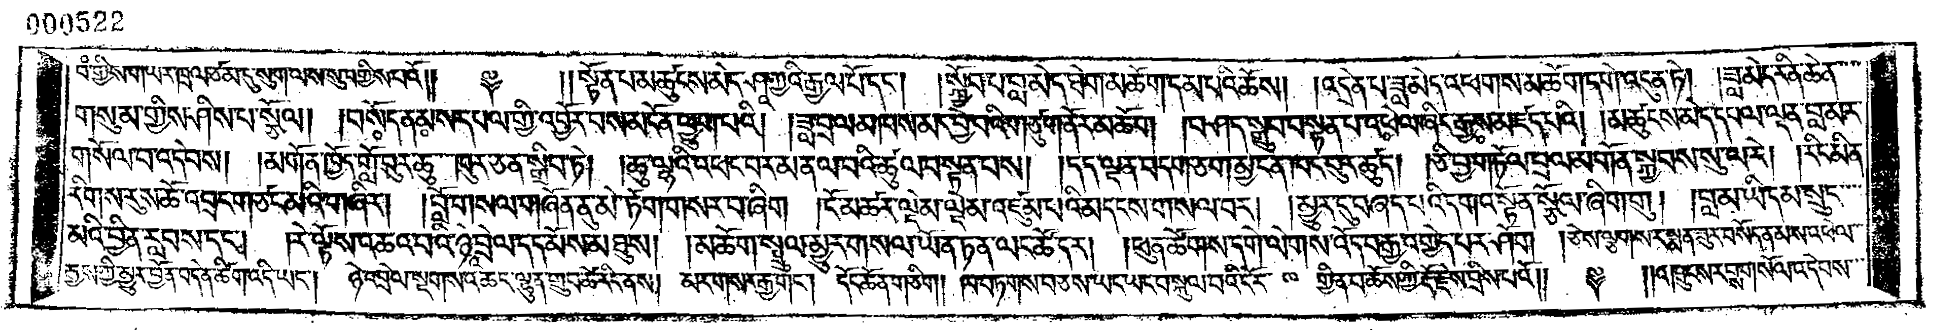བཾ་གྱིས་གཡར་ཁྲལ་ཙམ་དུ་སུག་ལས་སུ་བགྱིས་པའོ།། ༈ །།སྟོན་པ་མཚུངས་མེད་ཤཱཀྱའི་རྒྱལ་པོ་དང་། །སྐྱོབ་པ་བླ་མེད་ཐེག་མཆོག་དམ་པའི་ཆོས། །འདྲེན་པ་ཟླ་མེད་འཕགས་མཆོག་དགེ་འདུན་ཏེ། །ཟླ་མེད་རིན་ཆེན་
གསུམ་གྱིས་ཤིས་པ་སྩོལ། །བསོད྾་ནམས྾་དཔལ་གྱི་འབྱོར་བས་མངོན་ཕྱུག་པའི། །ཟླ་བྲལ་མཁས་མང་བྱེ་བའི་གཙུག་ནོར་མཆོག །བཤད་སྒྲུབ་བསྟན་པ་འཕེལ྾་ཞིང་རྒྱས྾་མཛད་པའི། །མཚུངས་མེད་དཔལ་ལྡན་བླ་མར་
གསོལ་བ་འདེབས། །མགོན་ཁྱོད་གློ་བུར་ཆུ་ཁུར་ཅན་སྒྲིབ་ཏེ། །ཆུ་ལྷའི་འཕང་བར་མནལ་བའི་ཚུལ་བསྟན་པས། །དད་ལྡན་བདག་ཅག་མྱ་ངན་ཁང་བུར་ཚུད། །ཅི་བྱ་གཏོལ་བྲལ་མགོན་སྐྱབས་སུ་ལ་རེ། །རིང་མིན་
རིགས་རུས་ཆོ་འབྲང་གཙང་མའི་གཞིར། །བློ་གསལ་གཞོན་ནུ་མེ་ཏོག་གསར་བ་ཞིག །ངོ་མཚར་ལྡེམ་ལྡེམ་འཛུམ་པའི་མདངས་གསལ་བར། །མྱུར་དུ་བཞད་པའི་དགའ་སྟོན་སྩོལ་ཞིག་གུ ། །བླ་མ་ཡི་དམ་སྲུང་
མའི་བྱིན་རླབས་དང་། །རེ་ལྟོས་འཆའ་བའི་ཉེ་འབྲེལ་དད་མོས་མཐུས། །མཆོག་སྤྲུལ་མྱུར་གསལ་ཡོན་ཏན་ལང་ཚེ་དར། །ཕུན་ཚོགས་དགེ་ལེགས་འོད་བརྒྱ་འགྱེད་པར་ཤོག །ཅེས་ལྕགས་ར་སྨན་ཟུར་བསོད་ནམས་འཕེལ་
རྒྱས་ཀྱི་མྱུར་བྱོན་བདེན་ཚིག་འདི་ཡང་། ཉེ་འབྲེལ་སྔགས་འཆང་ལྷུན་གྲུབ་ཚེ་རིང་ནས། མར་གསར་རྒྱ་གང་། །དོང་ཆོན་གཅིག །ཁ་བཏགས་བཅས་ཡང་ཡང་བསྐུལ་བའི་ངོར་༧་གྱིན་པ་ཆོས་ཀྱི་རྡོ་རྗེས་བྲིས་པའོ།། ༈ །།འཁྲུངས་རབས་གསོལ་འདེབས་